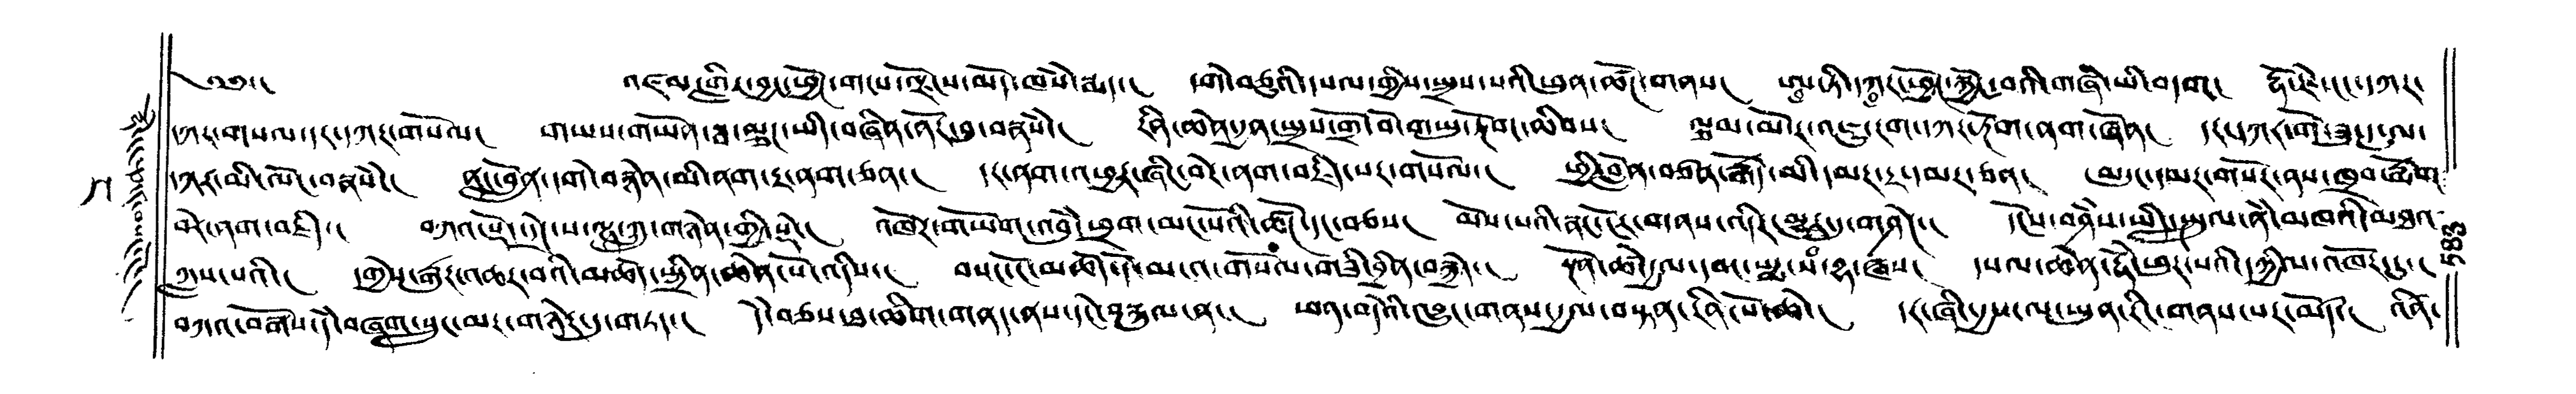འཛམ་གླིང་བྱང་ཕྱོགས་གངས་ལྗོངས་མདོ་ཁམས་སྨད། །དགེ་བཅུའི་དཔལ་གྱིས་སྤྲས་པའི་ཕུན་ཚོགས་གནས། །ཨ་ཏི་དཀར་ཕྱོགས་སྐྱོང་བ་གཞི་ཡི་བདག །རྡོ་རྗེ་ངང་དཀར་
དཀར་གསལ་དར་དཀར་གསོལ། །གཡས་གཡོན་སྦ་ལྕག་ཡིད་བཞིན་ནོར་བུ་བསྣམས། །རིན་ཆེན་རྒྱན་སྤྲས་གྲོ་བོ་གཡུ་རྔོག་བཅྀབས། །ལྕམ་མོར་འཇུ་རག་དཀར་རྔོག་ནག་བཞོན། །དར་དཀར་གོ་ཟུ་དངུལ་
དཀར་མེ་ལོང་བསྣམས། །ནང་བློན་དགེ་བསྙེན་མི་ནག་རྟ་ནག་ཅན། །དར་ནག་འཕྱར་ཞིང་བེར་ནག་བརྗིད་པར་གསོལ། །ཕྱི་བློན་བཙན་རྒོད་མི་དམར་རྟ་དམར་ཅན། །མདུང་དམར་གསོར་ནས་ཁྲབ་རྨོག་
བེར་ནག་བརྗིད། །བཀའ་སྡོད་དྲེགས་པ་ལྷ་ཀླུ་གཉན་གྱི་སྡེ། །འཁོར་གཡོག་འབུམ་ཕྲག་མང་པོའི་ཚོགས་དང་བཅས། །མོས་པའི་སྣང་ངོར་གནས་འདིར་མྱུར་དུ་གཤེགས། །དངོས་བཤམས་ཡིད་སྤྲུལ་ནམ་མཁའི་མཐའ་
ཀླས་པའི། །དགྱེས་རྒུར་འཆར་བའི་མཆོད་སྤྲིན་ཆེན་པོ་འདིས། །བསང་ངོ་མཆོད་དོ་མངའ་གསོལ་གཟི་བྱིན་བསྐྱེད། །སྔོན་ཚེ་རྒྱལ་དབང་པདྨ་སམ་བྷ་ཝས། །དཔལ་ཆེན་རྡོ་རྗེ་ཕུར་པའི་དཀྱིལ་འཁོར་དུ། །
བཀའ་བསྒོསདམ་བཞག་སྲུང་མར་གཉེར་དུ་གཏད། །དམ་བཅས་ཐ་ཚིག་གནད་ནས་དེང་བསྐུལ་ན། །ཕན་བདེའི་འབྱུང་གནས་རྒྱལ་བསྟན་རིན་པོ་ཆེ། །དར་ཞིང་རྒྱས་ལ་ཡུན་རིང་གནས་པར་མཛོད། །འཛིན་